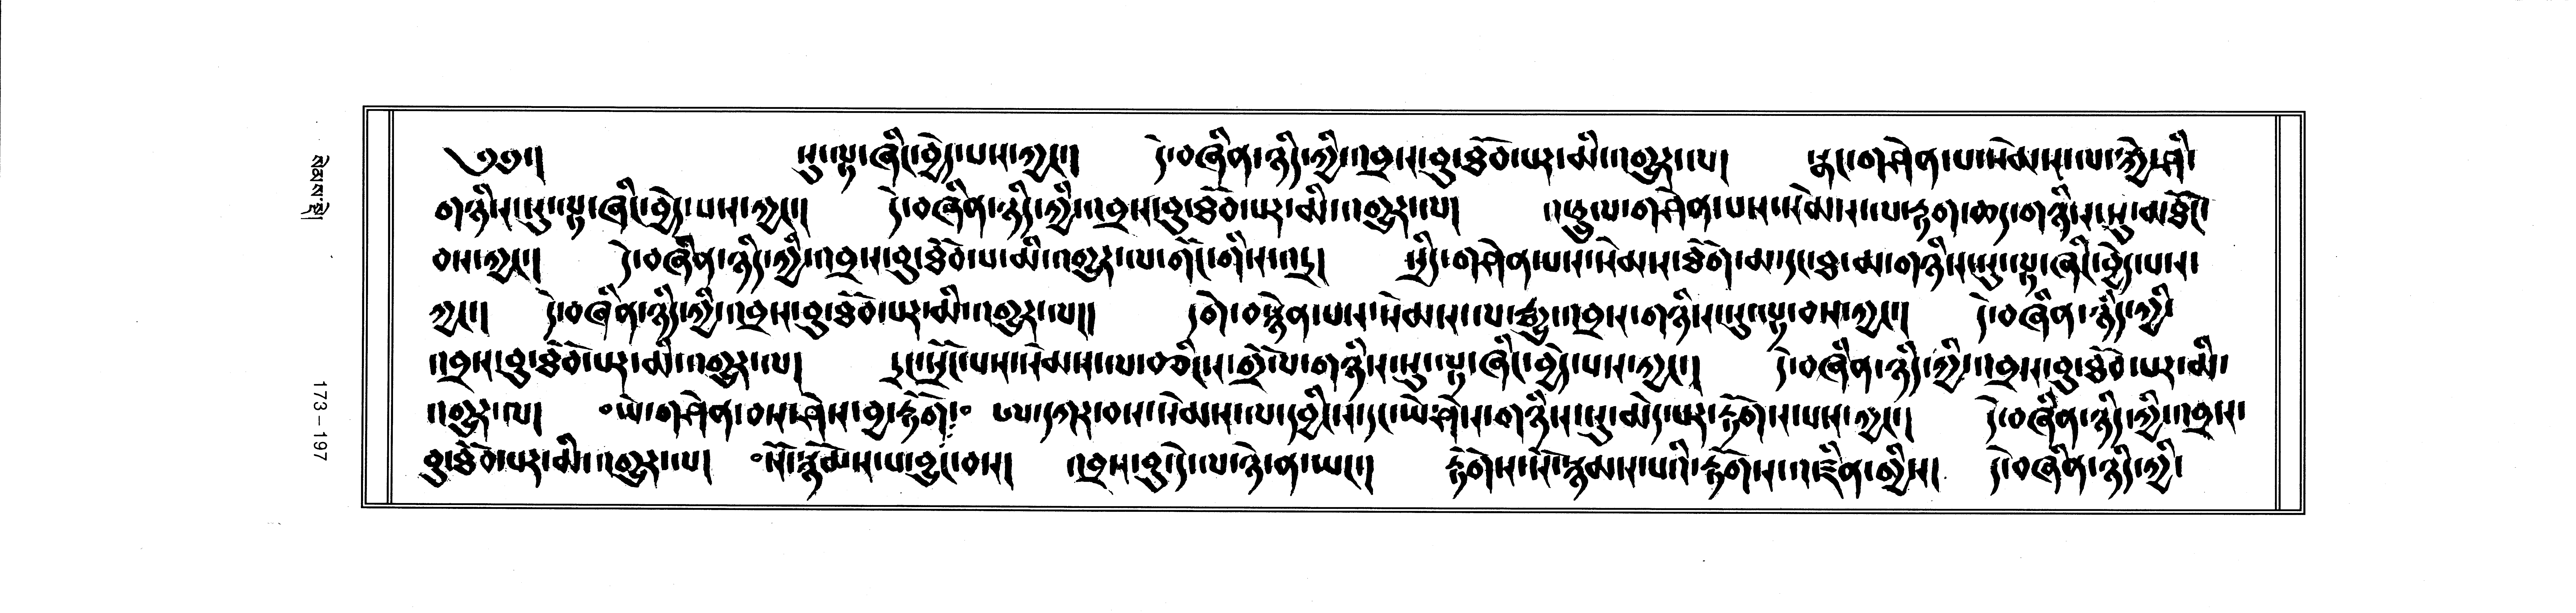སུ་ལྟ་ཞིང་བྱེད་པས་ཀྱང་། དེ་བཞིན་ཉིད་ཀྱི་འབྲས་བུ་ཐོབ་པར་མི་འགྱུར་ལ། སྣང་གཤེན་པ་སེམས་ལ་སྐྱེ་ཤི་
གཉིས་སུ་ལྟ་ཞིང་བྱེད་པས་ཀྱང་། དེ་བཞིན་ཉིད་ཀྱི་འབྲས་བུ་ཐོབ་པར་མི་འགྱུར་ལ། འཕྲུལ་གཤེན་པས་སེམས་རྟག་ཆད་གཉིས་སུ་མཐོང་
བས་ཀྱང་། དེ་བཞིན་ཉིད་ཀྱི་འབྲས་བུ་ཐོབ་པར་མི་འགྱུར་ལ་གོང་གིས་འདྲ། སྲིད་གཤེན་པས་སེམས་ཐོག་མ་དང་ཐ་མ་གཉིས་སུ་ལྟ་ཞིང་བྱེད་པས་
ཀྱང་། དེ་བཞིན་ཉིད་ཀྱི་འབྲས་བུ་ཐོབ་པར་མི་འགྱུར་ལ། དགེ་བསྙེན་པས་སེམས་ལ་རྒྱུ་འབྲས་གཉིས་སུ་ལྟ་བས་ཀྱང་། དེ་བཞིན་ཉིད་ཀྱི་
འབྲས་བུ་ཐོབ་པར་མི་འགྱུར་ལ། དྲང་སྲོང་བས་སེམས་ལ་བཅིང་གྲོལ་གཉིས་སུ་ལྟ་བས་ཀྱང་། དེ་བཞིན་ཉིད་ཀྱི་འབྲས་བུ་ཐོབ་པར་མི་
འགྱུར་ལ། ཨ་དཀར་བས་སེམས་ལ་དབྱིངས་དང་ཡེ་ཤེས་གཉིས་སུ་མེད་པར་རྟོགས་པས་ཀྱང་། དེ་བཞིན་ཉིད་ཀྱི་འབྲས་
བུ་ཐོབ་པར་མི་འགྱུར་ལ། ཡེ་གཤེན་པས་ཤེས་བྱ་རྟོགས་སོ་སྙམ་པ་འབྱུང་བས། འབྲས་བུ་དེ་ལ་ཉེ་ན་ཡང་། རྟོགས་སོ་སྙམ་པའི་རྟོག་འཛིན་གྱིས། དེ་བཞིན་ཉིད་ཀྱི་